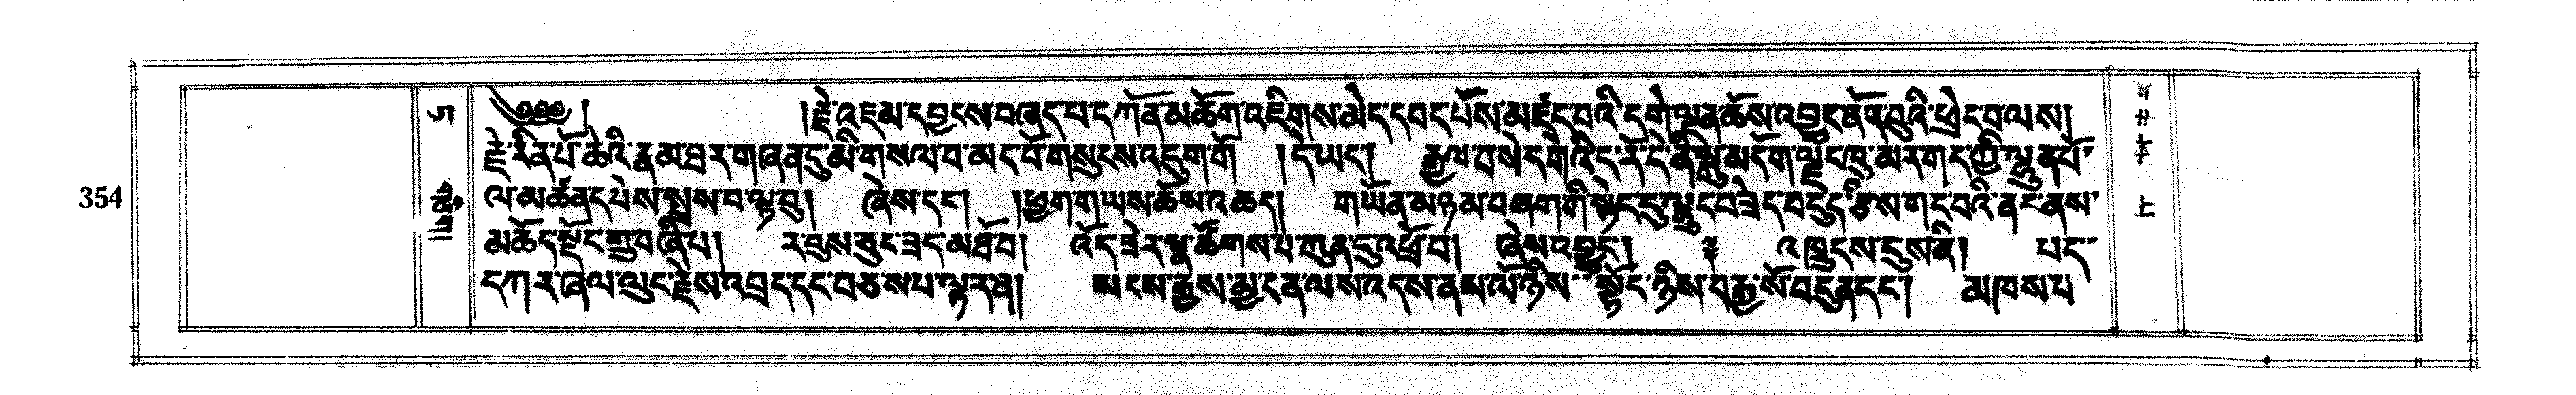༄༅༅། །རྗེ་འཇམ་དབྱངས་བཞད་པ་དཀོན་མཆོག་འཇིགས་མེད་དབང་པོས་མཛད་པའི་དགེ་ལྡན་ཆོས་འབྱུང་ནོར་བུའི་ཕྲེང་བ་ལས།
རྗེ་རིན་པོ་ཆེའི་རྣམ་ཐར་གཞན་དུ་མི་གསལ་པ་མང་པོ་གསུངས་འདུག་གོ །དེ་ཡང་། རྒྱལ་བ་སེང་གེའི་ང་རོ་དེ་ནི་སྐུ་མདོག་ལྗང་ཁུ་མར་གད་ཀྱི་ལྷུན་པོ་
ལ་མཚན་དཔེས་སྤྲས་བ་ལྟ་བུ། ཞེས་དང་། །ཕྱག་གཡས་ཆོས་འཆད། གཡོན་མཉམ་བཞག་གི་སྟེང་དུ་ལྷུང་བཟེད་བདུད་རྩིས་གང་བའི་ནང་ནས་
མཆོད་སྡོང་གྲུ་བཞི་པ། ར་བུས་ཅུང་ཟད་མཐོ་བ། འོད་ཟེར་སྣ་ཚོགས་པ་ཀུན་དུ་འཕྲོ་བ། ཞེས་འབྱུང་། ༈ འཁྲུངས་དུས་ནི། པད་
དཀར་ཞལ་ལུང་རྗེས་འབྲད་དང་བཅས་པ་ལྟར་ན། སངས་རྒྱས་མྱ་ངན་ལས་འདས་ནས་ལོ་ཉིས་སྟོང་ཉིས་བརྒྱ་སོ་བདུན་དང་། མཁས་པ་